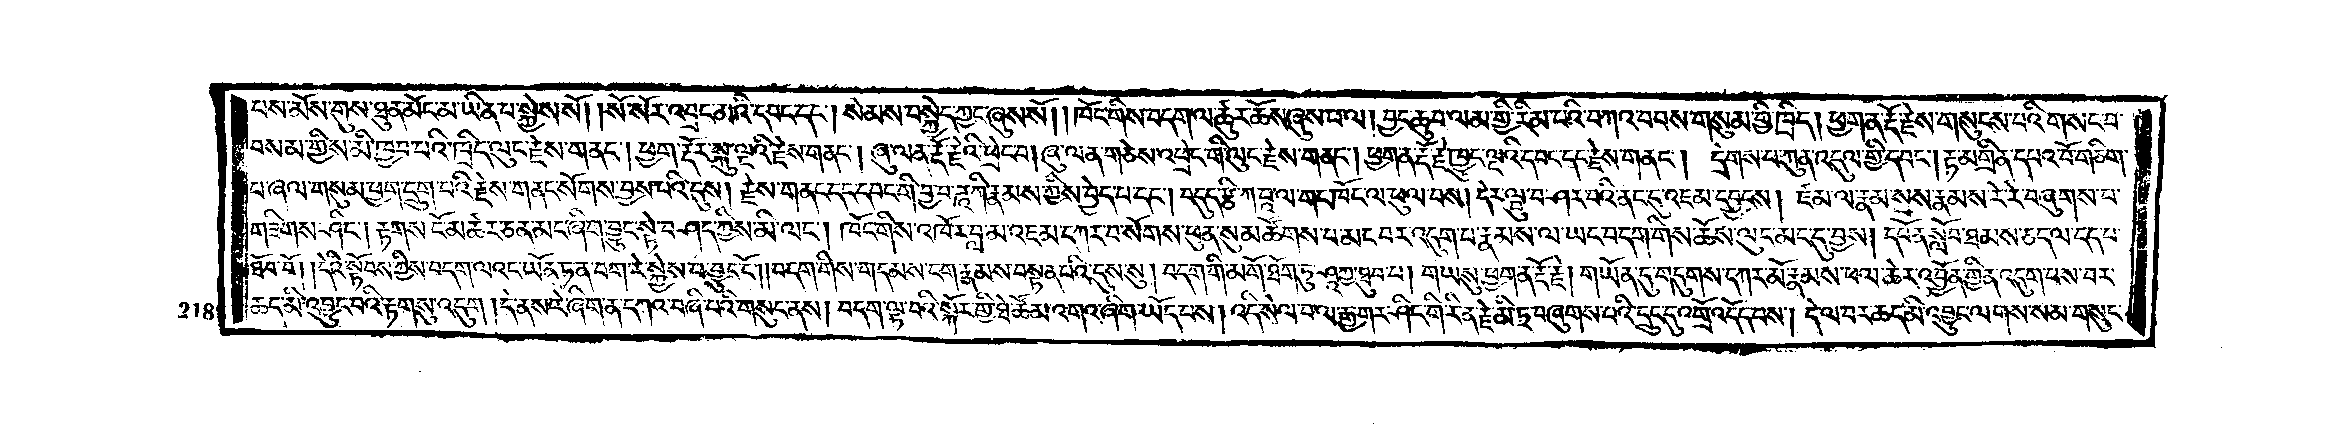པས་མོས་གུས་ཐུན་མོང་མ་ཡིན་པ་སྐྱེས་སོ། །སོ་སོར་འབྲང་མའི་དབང་དང་། སེམས་བསྐྱེད་ཀྱང་ཞུས་སོ། །ཁོང་གིས་བདག་ལ་ཚུར་ཆོས་ཞུས་པ་ལ། བྱང་ཆུབ་ལམ་གྱི་རིམ་པའི་བཀའ་བབས་གསུམ་གྱི་ཁྲིད། ཕྱག་ན་རྡོ་རྗེས་གསུངས་པའི་གསང་བ་
བསམ་གྱིས་མི་ཁྱབ་པའི་ཁྲིད་ལུང་རྗེས་གནང་། ཕྱག་རྡོར་སྐུ་ལྔའི་རྗེས་གནང་། ཞུ་ལན་རྡོ་རྗེའི་ཕྲེང་བ། ཞུ་ལན་གཅེས་འཕྲེང་གི་ལུང་རྗེས་གནང་། ཕྱག་ན་རྡོ་རྗེ་ཁྱུང་ལྔའི་དབང་དང་རྗེས་གནང་། དྲེགས་པ་ཀུན་འདུལ་གྱི་དབང་། རྟ་མགྲིན་དཔའ་བོ་གཅིག་
པ་ཞལ་གསུམ་ཕྱག་དྲུག་པའི་རྗེས་གནང་སོགས་བྱས་པའི་དུས། རྗེས་གནང་དང་དབང་གི་བྱ་བ་ཌཱ་ཀི་རྣམས་ཀྱིས་བྱེད་པ་དང་། བདུད་རྩི་ཀ་བཱ་ལ་གང་ཁོང་ལ་ཕུལ་བས། དེར་ལྦུ་བ་ཤར་བའི་ནང་དུ་འཇམ་དབྱངས། ཛམ་ལ་རྣམ་སྲས་རྣམས་རེ་རེ་བཞུགས་པ་
གཟིགས་ཤིང་། རྟགས་ངོ་མཚར་ཅན་མང་ཞིག་བྱུང་སྟེ་བཤད་ཀྱིས་མི་ལང་། ཁོང་གིས་འཁོར་བླ་མ་འཇམ་དཀར་བ་སོགས་ཕུན་སུམ་ཚོགས་པ་མང་བར་འདུག་པ་རྣམས་ལ་ཡང་བདག་གིས་ཆོས་ལུང་མང་དུ་བྱས། དཔོན་སློབ་ཐམས་ཅད་ལ་དད་པ་
ཐོབ་བོ། །དེའི་སྟོབས་ཀྱིས་བདག་ལའང་ཡོན་ཏན་བག་རེ་སྐྱེས་བ་བྱུང་ངོ། །བདག་གིས་གདམས་ངག་རྣམས་བསྟན་པའི་དུས་སུ། བདག་གི་མགོ་ཐོག་ཏུ་ཤཱཀྱ་ཐུབ་པ། གཡས་སུ་ཕྱག་ན་རྡོ་རྗེ། གཡོན་དུ་གདུགས་དཀར་མོ་རྣམས་ཕལ་ཆེར་འབྱོན་གྱིན་འདུག་པས་བར་
ཆད་མི་འབྱུང་བའི་རྟགས་སུ་འདུག །དེ་ནས་རེ་ཞིག་ན་དཀའ་བཞི་པའི་གསུང་ནས། བདག་ལྟ་བའི་སྐོར་གྱི་ཐེ་ཚོམ་འགའ་ཞིག་ཡོད་པས། འདི་སེལ་བ་ལ་རྒྱ་གར་ཤིང་གི་རི་ན་རྗེ་མི་ཏྲ་བཞུགས་པའི་དྲུང་དུ་འགྲོ་འདོད་པས། དེ་ལ་བར་ཆད་མི་འབྱུང་ལགས་སམ་གསུང་